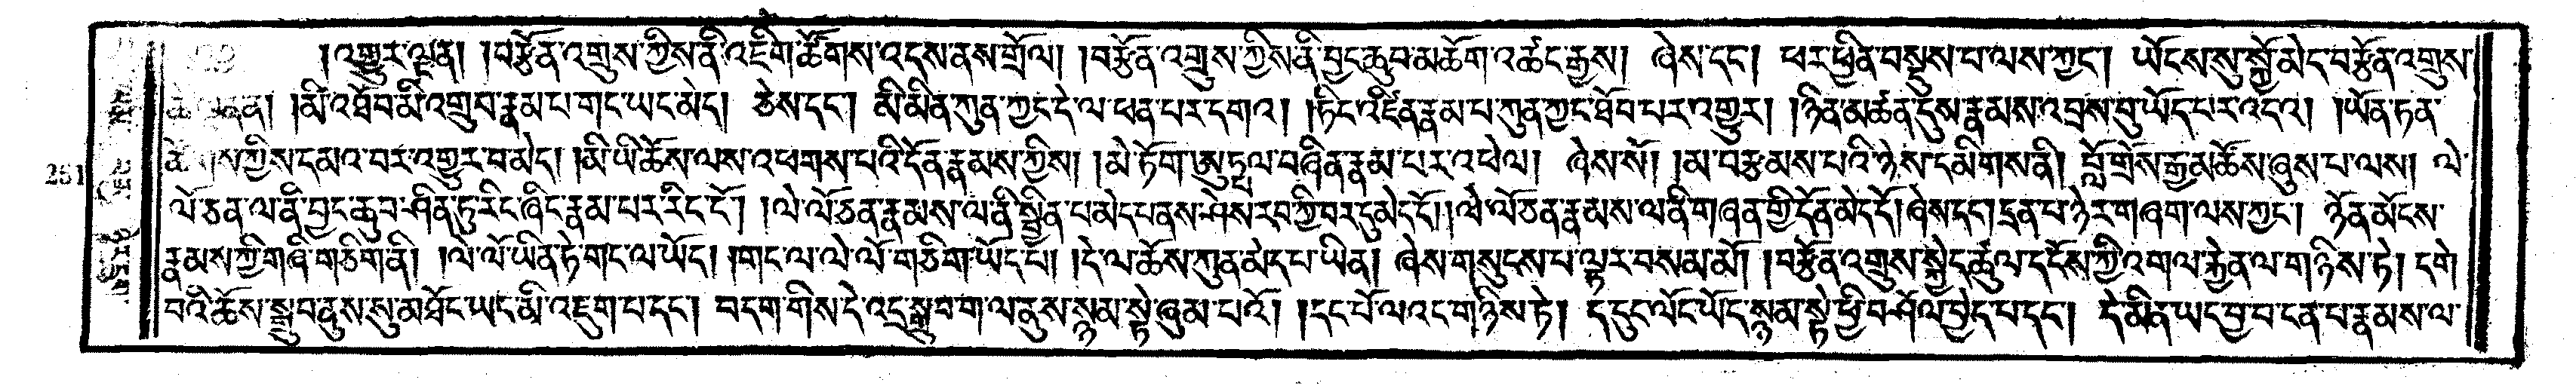༄༅། །འགྱུར་ལྡན། །བརྩོན་འགྲུས་ཀྱིས་ནི་འཇིག་ཚོགས་འདས་ནས་གྲོལ། །བརྩོན་འགྲུས་ཀྱིས་ནི་བྱང་ཆུབ་མཆོག་འཚང་རྒྱས། ཞེས་དང་། ཕར་ཕྱིན་བསྡུས་པ་ལས་ཀྱང་། ཡོངས་སུ་སྐྱོ་མེད་བརྩོན་འགྲུས་
ཚེ་ལྡན་ན། །མི་འཐོབ་མི་འགྲུབ་རྣམ་པ་གང་ཡང་མེད། ཅེས་དང་། མི་མིན་ཀུན་ཀྱང་དེ་ལ་ཕན་པར་དགའ། །ཏིང་ངེ་འཛིན་རྣམ་པ་ཀུན་ཀྱང་ཐོབ་པར་འགྱུར། །ཉིན་མཚན་དུས་རྣམས་འབྲས་བུ་ཡོད་པར་འདའ། །ཡོན་ཏན་
ཚོགས་ཀྱིས་དམའ་བར་འགྱུར་བ་མེད། །མི་ཡི་ཆོས་ལས་འཕགས་པའི་དོན་རྣམས་ཀྱིས། །མེ་ཏོག་ཨུཏྤལ་བཞིན་རྣམ་པར་འཕེལ། ཞེས་སོ། །མ་བརྩམས་པའི་ཉེས་དམིགས་ནི། བློ་གྲོས་རྒྱ་མཚོས་ཞུས་པ་ལས། ལེ་
ལོ་ཅན་ལ་ནི་བྱང་ཆུབ་ཤིན་ཏུ་རིང་ཞིང་རྣམ་པར་རིང་ངོ། །ལེ་ལོ་ཅན་རྣམས་ལ་ནི་སྦྱིན་པ་མེད་པ་ནས་ཤེས་རབ་ཀྱི་བར་དུ་མེད་དོ། །ལེ་ལོ་ཅན་རྣམས་ལ་ནི་གཞན་གྱི་དོན་མེད་དོ། ཞེས་དང་།དྲན་པ་ཉེར་གཞག་ལས་ཀྱང་། ཉོན་མོངས་
རྣམས་ཀྱི་གཞི་གཅིག་ནི། །ལེ་ལོ་ཡིན་ཏེ་གང་ལ་ཡོད། །གང་ལ་ལེ་ལོ་གཅིག་ཡོད་པ། །དེ་ལ་ཆོས་ཀུན་མེད་པ་ཡིན། ཞེས་གསུངས་པ་ལྟར་བསམ་མོ། །བརྩོན་འགྲུས་སྐྱེད་ཚུལ་དངོས་ཀྱི་འགལ་རྐྱེན་ལ་གཉིས་ཏེ། དགེ་
བའི་ཆོས་སྒྲུབ་ནུས་སུ་མཐོང་ཡང་མི་འཇུག་པ་དང་། བདག་གིས་དེ་འདྲ་སྒྲུབ་ག་ལ་ནུས་སྙམ་སྟེ་ཞུམ་པའོ། །དང་པོ་ལའང་གཉིས་ཏེ། ད་དུང་ལོང་ཡོད་སྙམ་སྟེ་ཕྱི་བཤོལ་བྱེད་པ་དང་།དེ་མིན་ཡང་བྱ་བ་ངན་པ་རྣམས་ལ་